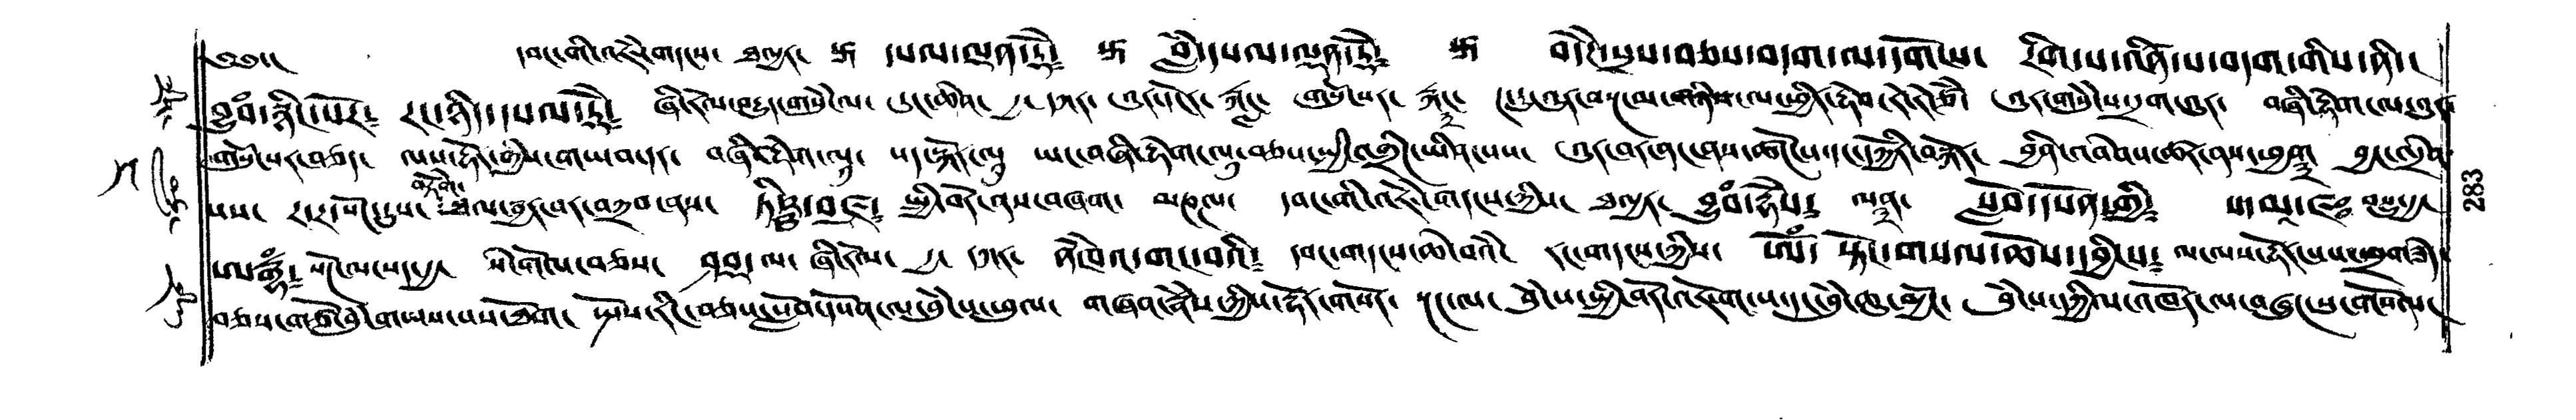དབང་གི་འཇམ་གདངས། དཔལ་ལྡན་རྡོ་རྗེ༴ བདེ་ཤེགས་སྲས་བཅས་བདག་ལ་དགོངས། །རིག་པ་འཛིན་པ་བདག་གིས་ནི། །
བྱང་ཆུབ་སྙིང་པོར༴ །རང་ཉིད་དཔལ་རྡོ་རྗེ༴ ཞི་རོལ་རྒྱུད་གསུམ་ལ། དུང་ཆེན། རྒྱ། དཀར། འུར་དང་པོར་རྐང་། བཞི། གསུམ་པར་རྐང་། བཞི། ཌཱ་རུ་འུར། སྔ་མ་ལ་ཕྱིར་རྡེབ་རེ་རེ་ཙམ། འུར་གསུམ་པ་དྲག་འུར། བཞི་རྡེག་ལ་འུར་
གསུམ་པར་བཅད། ལས་རྡོར་གྱིས་གཡབ་དར། བཞི་རྡེག་དང་པོ་ལ་གཅིག པད་སྐོར་ལ་གཅིག ཡང་བཞི་རྡེག་དང་པོ་ལ་གཅིག་ལ་བཅས་སྤྱི་འགྲེས་ཡིན་པས། འུར་བར་ནང་ནས་ཚོགས་པ་དང་དཀྱིལ་འཁོར་བསྐོར། བྱིན་འབེབས་ཚར་ནས་ཕྱག་གསུམ། བྱང་འདྲེན་
པས ། ར་ར༴ སོགས་དུས་མེ་ཏཽག་ཐལ་སྦྱར་བར་བཀྲབ་ནས། ཏིཥྛ་བཛྲ༴ སྤྱི་བོར་ནས་གཞག མཎྜལ། ཐལ་སྦྱར། དབང་གི་འཇམ་གདངས་ཀྱིས། བྱང་ཆུབ་རྡོ་རྗེ་སེམས༴ ལན་གསུམ། སློབ་དཔོན་གྱི༴ ས་མཱ་ཛཿ བསྡུ་རྒྱ། 
ཨརྒྷཾ༴ སོགས་ལ་པད་རྒྱ། སེ་གོལ་བཅས། ཤབྡ་ལ་ཞི་རོལ། རྒྱ། དཀར། ནམ་མཁའ་གང་བའི༴ དབང་གདངས་ཆེ་བའམ་རང་གདངས་ཀྱིས། ཨོཾ༔ སྟོང་གསལ་ཆོས་དབྱིངས༴ ལ་ལས་རྡོར་པས་བྲག་གཟེད་
བཅས་གཙོ་བུམ་གཡས་པས་ཐོགས། སྤོས་རིང་བཅས་སློབ་དཔོན་ལ་བུམ་པ་ཕུལ། གཞན་རྣམས་ཀྱིས་རྡོར་གསོར། སྔགས་ལ་བུམ་པ་སྤྱི་བོར་འཇོག་པ་དང་བུམ་ཆུ་མྱང་། བུམ་པ་དཀྱིལ་འཁོར་ལ་བཞུགས་སུ་གསོལ།